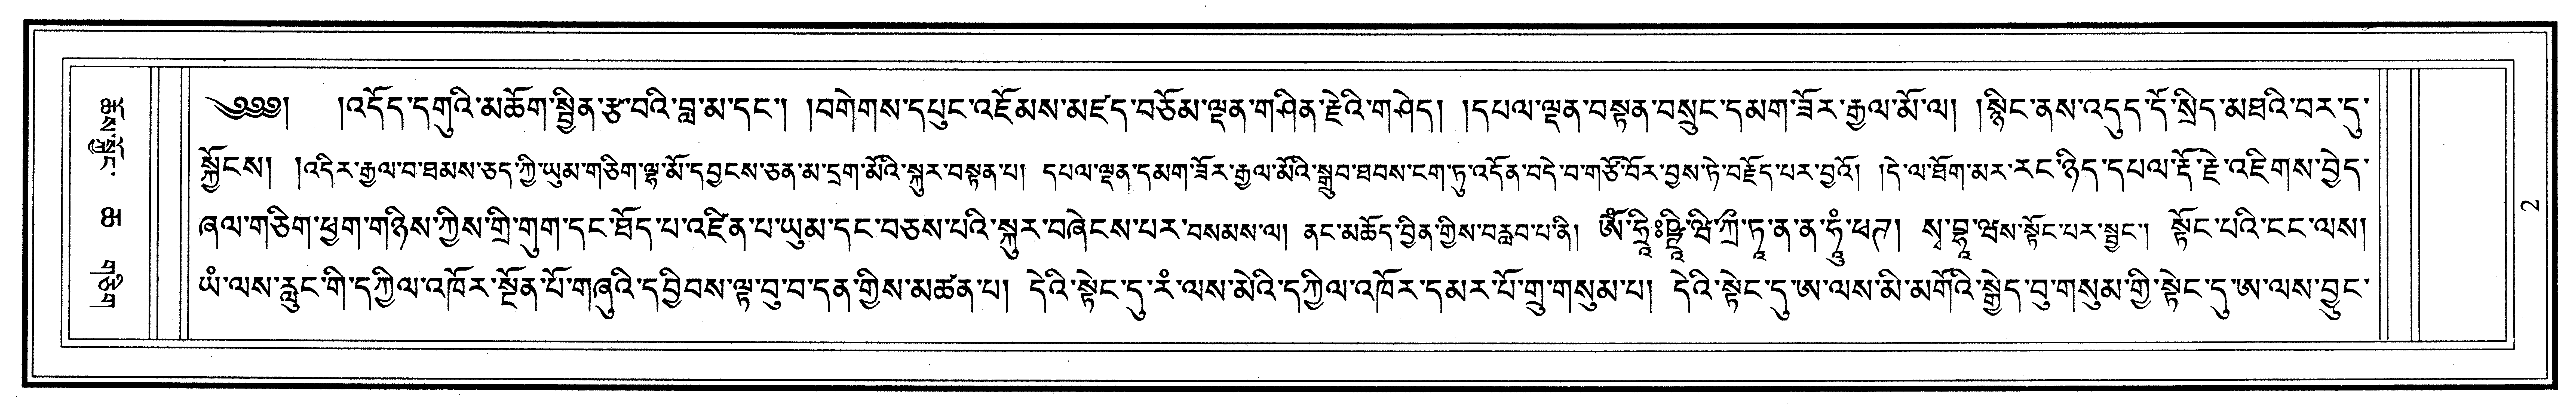༄༅༅། །འདོད་དགུའི་མཆོག་སྦྱིན་རྩ་བའི་བླ་མ་དང་། །བགེགས་དཔུང་འཇོམས་མཛད་བཅོམ་ལྡན་གཤིན་རྗེའི་གཤེད། །དཔལ་ལྡན་བསྟན་བསྲུང་དམག་ཟོར་རྒྱལ་མོ་ལ། །སྙིང་ནས་འདུད་དོ་སྲིད་མཐའི་བར་དུ་
སྐྱོངས། །འདིར་རྒྱལ་བ་ཐམས་ཅད་ཀྱི་ཡུམ་གཅིག་ལྷ་མོ་དབྱངས་ཅན་མ་དྲག་མོའི་སྐུར་བསྟན་པ། དཔལ་ལྡན་དམག་ཟོར་རྒྱལ་མོའི་སྒྲུབ་ཐབས་ངག་ཏུ་འདོན་བདེ་བ་གཙོ་བོར་བྱས་ཏེ་བརྗོད་པར་བྱའོ། །དེ་ལ་ཐོག་མར་རང་ཉིད་དཔལ་རྡོ་རྗེ་འཇིགས་བྱེད་
ཞལ་གཅིག་ཕྱག་གཉིས་ཀྱིས་གྲི་གུག་དང་ཐོད་པ་འཛིན་པ་ཡུམ་དང་བཅས་པའི་སྐུར་བཞེངས་པར་བསམས་ལ། ནང་མཆོད་བྱིན་གྱིས་བརླབ་པ་ནི། ཨོཾ་ཧྲཱིཿ ཥྚྲཱི་ཝི་ཀྲྀ་ཏཱ་ན་ན་ཧཱུཾ་ཕཊ། སྭཱ་བྷཱ་ཝས་སྟོང་པར་སྦྱང་། སྟོང་པའི་ངང་ལས།
ཡཾ་ལས་རླུང་གི་དཀྱིལ་འཁོར་སྔོན་པོ་གཞུའི་དབྱིབས་ལྟ་བུ་བ་དན་གྱིས་མཚན་པ། དེའི་སྟེང་དུ་རཾ་ལས་མེའི་དཀྱིལ་འཁོར་དམར་པོ་གྲུ་གསུམ་པ། དེའི་སྟེང་དུ་ཨ་ལས་མི་མགོའི་སྒྱེད་བུ་གསུམ་གྱི་སྟེང་དུ་ཨ་ལས་བྱུང་